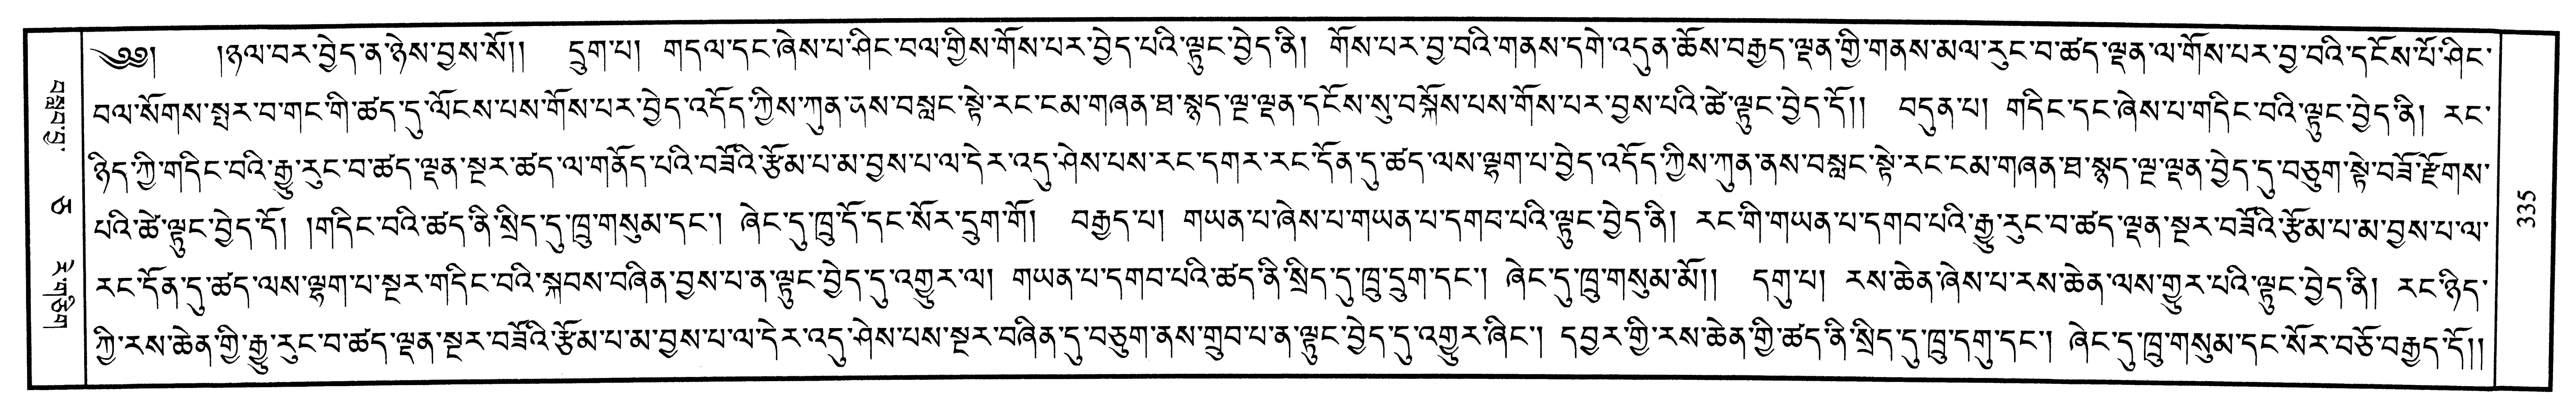༄༅། །ཉལ་བར་བྱེད་ན་ཉེས་བྱས་སོ།། དྲུག་པ། གདལ་དང་ཞེས་པ་ཤིང་བལ་གྱིས་གོས་པར་བྱེད་པའི་ལྟུང་བྱེད་ནི། གོས་པར་བྱ་བའི་གནས་དགེ་འདུན་ཆོས་བརྒྱད་ལྡན་གྱི་གནས་མལ་རུང་བ་ཚད་ལྡན་ལ་གོས་པར་བྱ་བའི་དངོས་པོ་ཤིང་
བལ་སོགས་སྤར་བ་གང་གི་ཚད་དུ་ལོངས་པས་གོས་པར་བྱེད་འདོད་ཀྱིས་ཀུན་ནས་བསླང་སྟེ་རང་ངམ་གཞན་ཐ་སྙད་ལྔ་ལྡན་དངོས་སུ་བསྐོས་པས་གོས་པར་བྱས་པའི་ཚེ་ལྟུང་བྱེད་དོ།། བདུན་པ། གདིང་དང་ཞེས་པ་གདིང་བའི་ལྟུང་བྱེད་ནི། རང་
ཉིད་ཀྱི་གདིང་བའི་རྒྱུ་རུང་བ་ཚད་ལྡན་སྔར་ཚད་ལ་གནོད་པའི་བཟོའི་རྩོམ་པ་མ་བྱས་པ་ལ་དེར་འདུ་ཤེས་པས་རང་དགར་རང་དོན་དུ་ཚད་ལས་ལྷག་པ་བྱེད་འདོད་ཀྱིས་ཀུན་ནས་བསླང་སྟེ་རང་ངམ་གཞན་ཐ་སྙད་ལྔ་ལྡན་བྱེད་དུ་བཅུག་སྟེ་བཟོ་རྫོགས་
པའི་ཚེ་ལྟུང་བྱེད་དོ། །གདིང་བའི་ཚད་ནི་སྲིད་དུ་ཁྲུ་གསུམ་དང་། ཞེང་དུ་ཁྲུ་དོ་དང་སོར་དྲུག་གོ། བརྒྱད་པ། གཡན་པ་ཞེས་པ་གཡན་པ་དགབ་པའི་ལྟུང་བྱེད་ནི། རང་གི་གཡན་པ་དགབ་པའི་རྒྱུ་རུང་བ་ཚད་ལྡན་སྔར་བཟོའི་རྩོམ་པ་མ་བྱས་པ་ལ་
རང་དོན་དུ་ཚད་ལས་ལྷག་པ་སྔར་གདིང་བའི་སྐབས་བཞིན་བྱས་པ་ན་ལྟུང་བྱེད་དུ་འགྱུར་ལ། གཡན་པ་དགབ་པའི་ཚད་ནི་སྲིད་དུ་ཁྲུ་དྲུག་དང་། ཞེང་དུ་ཁྲུ་གསུམ་མོ།། དགུ་པ། རས་ཆེན་ཞེས་པ་རས་ཆེན་ལས་གྱུར་པའི་ལྟུང་བྱེད་ནི། རང་ཉིད་
ཀྱི་རས་ཆེན་གྱི་རྒྱུ་རུང་བ་ཚད་ལྡན་སྔར་བཟོའི་རྩོམ་པ་མ་བྱས་པ་ལ་དེར་འདུ་ཤེས་པས་སྔར་བཞིན་དུ་བཅུག་ནས་གྲུབ་པ་ན་ལྟུང་བྱེད་དུ་འགྱུར་ཞིང་། དབྱར་གྱི་རས་ཆེན་གྱི་ཚད་ནི་སྲིད་དུ་ཁྲུ་དགུ་དང་། ཞེང་དུ་ཁྲུ་གསུམ་དང་སོར་བཅོ་བརྒྱད་དོ།།